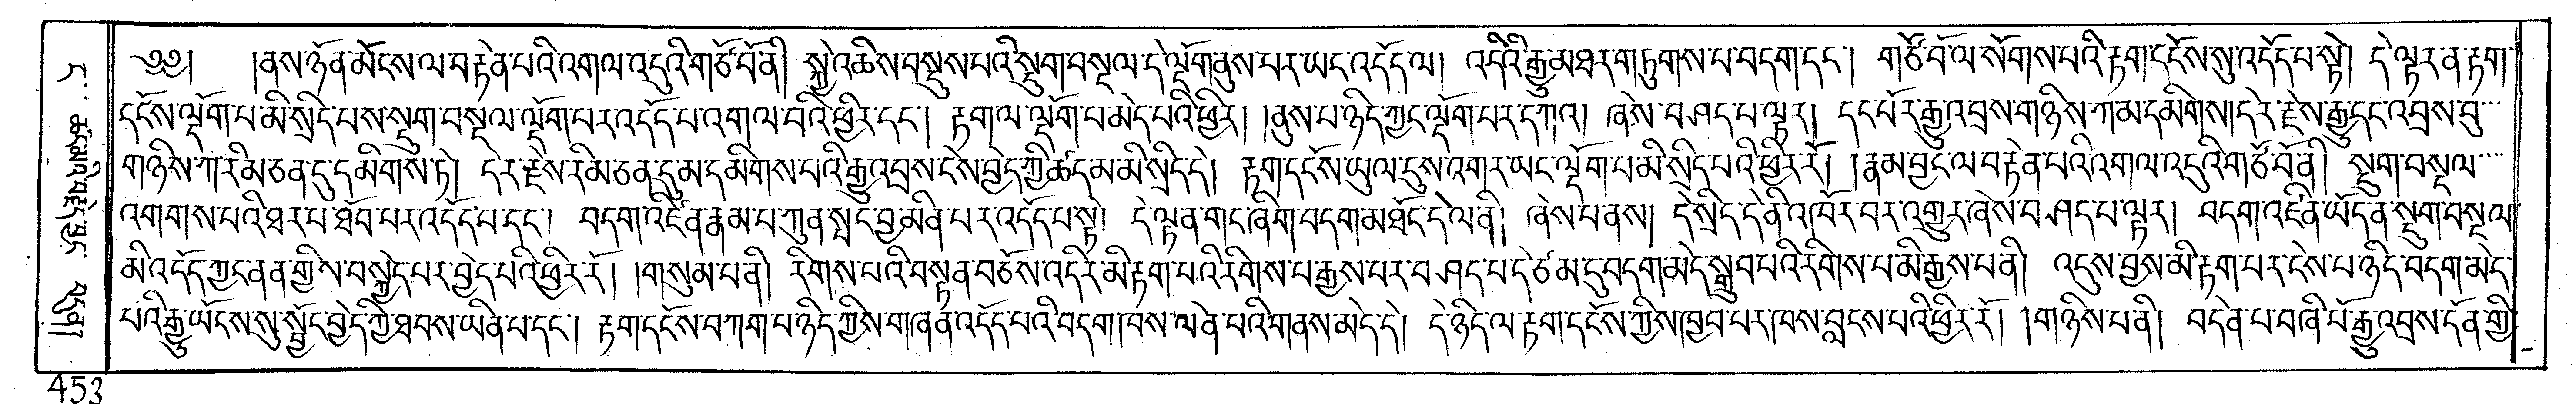༄༅། །ནས་ཉོན་མོངས་ལ་བརྟེན་པའི་འགལ་འདུའི་གཙོ་བོ་ནི། སྐྱེ་འཆིས་བསྡུས་པའི་སྡུག་བསྔལ་དེ་ལྡོག་ནུས་པར་ཡང་འདོད་ལ། འདིའི་རྒྱུ་མཐར་གཏུགས་པ་བདག་དང་། གཙོ་བོ་ལ་སོགས་པའི་རྟག་དངོས་སུ་འདོད་པ་སྟེ། དེ་ལྟར་ན་རྟག་
དངོས་ལྡོག་པ་མི་སྲིད་པས་སྡུག་བསྔལ་ལྡོག་པར་འདོད་པ་འགལ་བའི་ཕྱིར་དང་། རྟག་ལ་ལྡོག་པ་མེད་པའི་ཕྱིར། །ནུས་པ་ཉིད་ཀྱང་ལྡོག་པར་དཀའ། ཞེས་བཤད་པ་ལྟར། དང་པོར་རྒྱུ་འབྲས་གཉིས་ཀ་མ་དམིགས། དེར་རྗེས་རྒྱུ་དང་འབྲས་བུ་
གཉིས་ཀ་རིམ་ཅན་དུ་དམིགས་ཏེ། དེར་རྗེས་རིམ་ཅན་དུ་མ་དམིགས་པའི་རྒྱུ་འབྲས་ངེས་བྱེད་ཀྱི་ཚད་མ་མི་སྲིད་དེ། རྟག་དངོས་ཡུལ་དུས་འགར་ཡང་ལྡོག་པ་མི་སྲིད་པའི་ཕྱིར་རོ། །རྣམ་བྱང་ལ་བརྟེན་པའི་འགལ་འདུའི་གཙོ་བོ་ནི། སྡུག་བསྔལ་
འགགས་པའི་ཐར་པ་ཐོབ་པར་འདོད་པ་དང་། བདག་འཛིན་རྣམ་པ་ཀུན་སྤང་བྱ་མིན་པར་འདོད་པ་སྟེ། དེ་ལྟ་ན་གང་ཞིག་བདག་མཐོང་དེ་ལ་ནི། ཞེས་པ་ནས། དེ་སྲིད་དེ་ནི་འཁོར་བར་འགྱུར་ཞེས་བཤད་པ་ལྟར། བདག་འཛིན་ཡོད་ན་སྡུག་བསྔལ་
མི་འདོད་ཀྱང་ནན་གྱིས་བསྐྱེད་པར་བྱེད་པའི་ཕྱིར་རོ། །གསུམ་པ་ནི། རིགས་པའི་བསྟན་བཅོས་འདིར་མི་རྟག་པའི་རིགས་པ་རྒྱས་པར་བཤད་པ་དེ་ཙམ་དུ་བདག་མེད་སྒྲུབ་པའི་རིགས་པ་མི་རྒྱས་པ་ནི། འདུས་བྱས་མི་རྟག་པར་ངས་པ་ཉིད་བདག་མེད་
པའི་རྒྱུ་ཡོངས་སུ་སྦྱོང་བྱེད་ཀྱི་ཐབས་ཡིན་བ་དང་། རྟག་དངོས་བཀག་པ་ཉིད་ཀྱིས་གཞན་འདོད་པའི་བདག་ཁས་ལེན་པའི་གནས་མེད་དེ། དེ་ཉིད་ལ་རྟག་དངོས་ཀྱིས་ཁྱབ་པར་ཁས་བླངས་པའི་ཕྱིར་རོ། །གཉིས་པ་ནི། བདེན་པ་བཞི་པོ་རྒྱུ་འབྲས་དོན་གྱི་